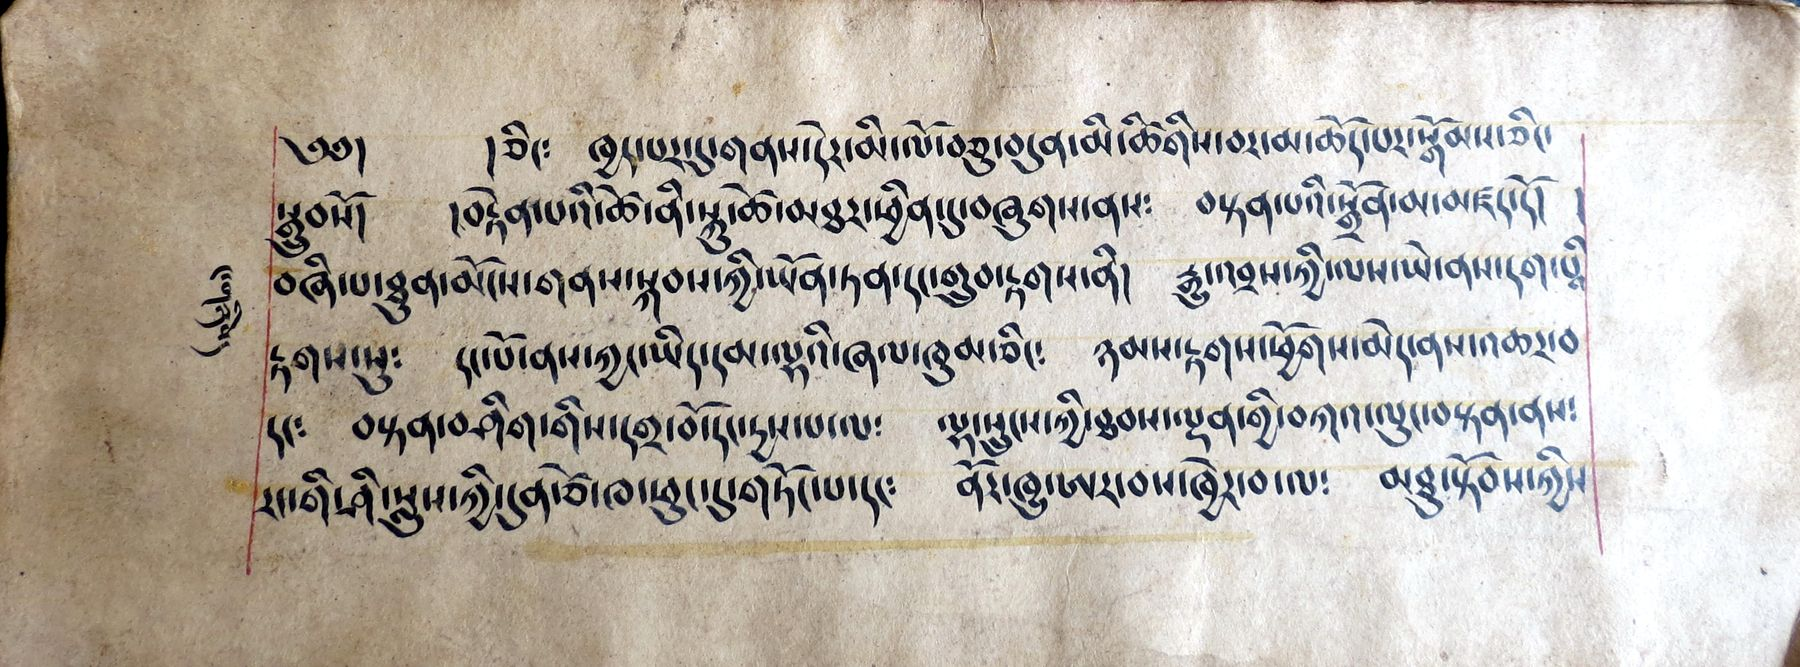ཅིང་། ཁྱད་པར་དུ་གནས་དེར་མི་ལོ་བཅུ་བདུན་མི་ཚིག་གིས་བར་མ་ཆོད་པར་བསྒོམས་ཤིང་
བསྒྲུབས་སོ། །བརྟེན་པའི་ཚེ་ནི་སྐུ་ཚེ་མཐར་ཕྱིན་དུ་བཞུགས་ནས། བསྟན་པའི་སྒྲོན་མ་མཛད་དོ། །
བཞི་པ་ཐུན་མོང་དང་གནས་སྐབས་ཀྱི་ཡོན་ཏན་དང་གྲུབ་རྟགས་ནི། རྒྱུ་འབྲས་ཀྱི་ལས་ཡེ་ནས་དག་པའི་
རྟགས་སུ། དང་པོ་ནས་ཀྱང་ཡི་དམ་ལྷའི་ཞལ་ཁུམས་ཤིང་། ཉམས་རྟགས་ཕྱོགས་མེད་ནས་འཆར་བ་
དང་། བསྟན་བཤིག་གིས་དགྲ་བོ་དང་རྒྱས་པ་ལ། ལྷ་སྲུང་གི་ཐབས་ལྡན་གྱི་བཀའ་ལུང་བསྟན་ནས། 
རང་གི་ཤི་སླུས་ཀྱི་དུན་ཚེ་ཁ་ཕུང་དུ་གཏོང་པ་དང་། དཀོར་ཁྱུ་ཨར་བས་ཁྱེར་བ་ལ། མཐུ་སྟོབས་ཀྱིས་